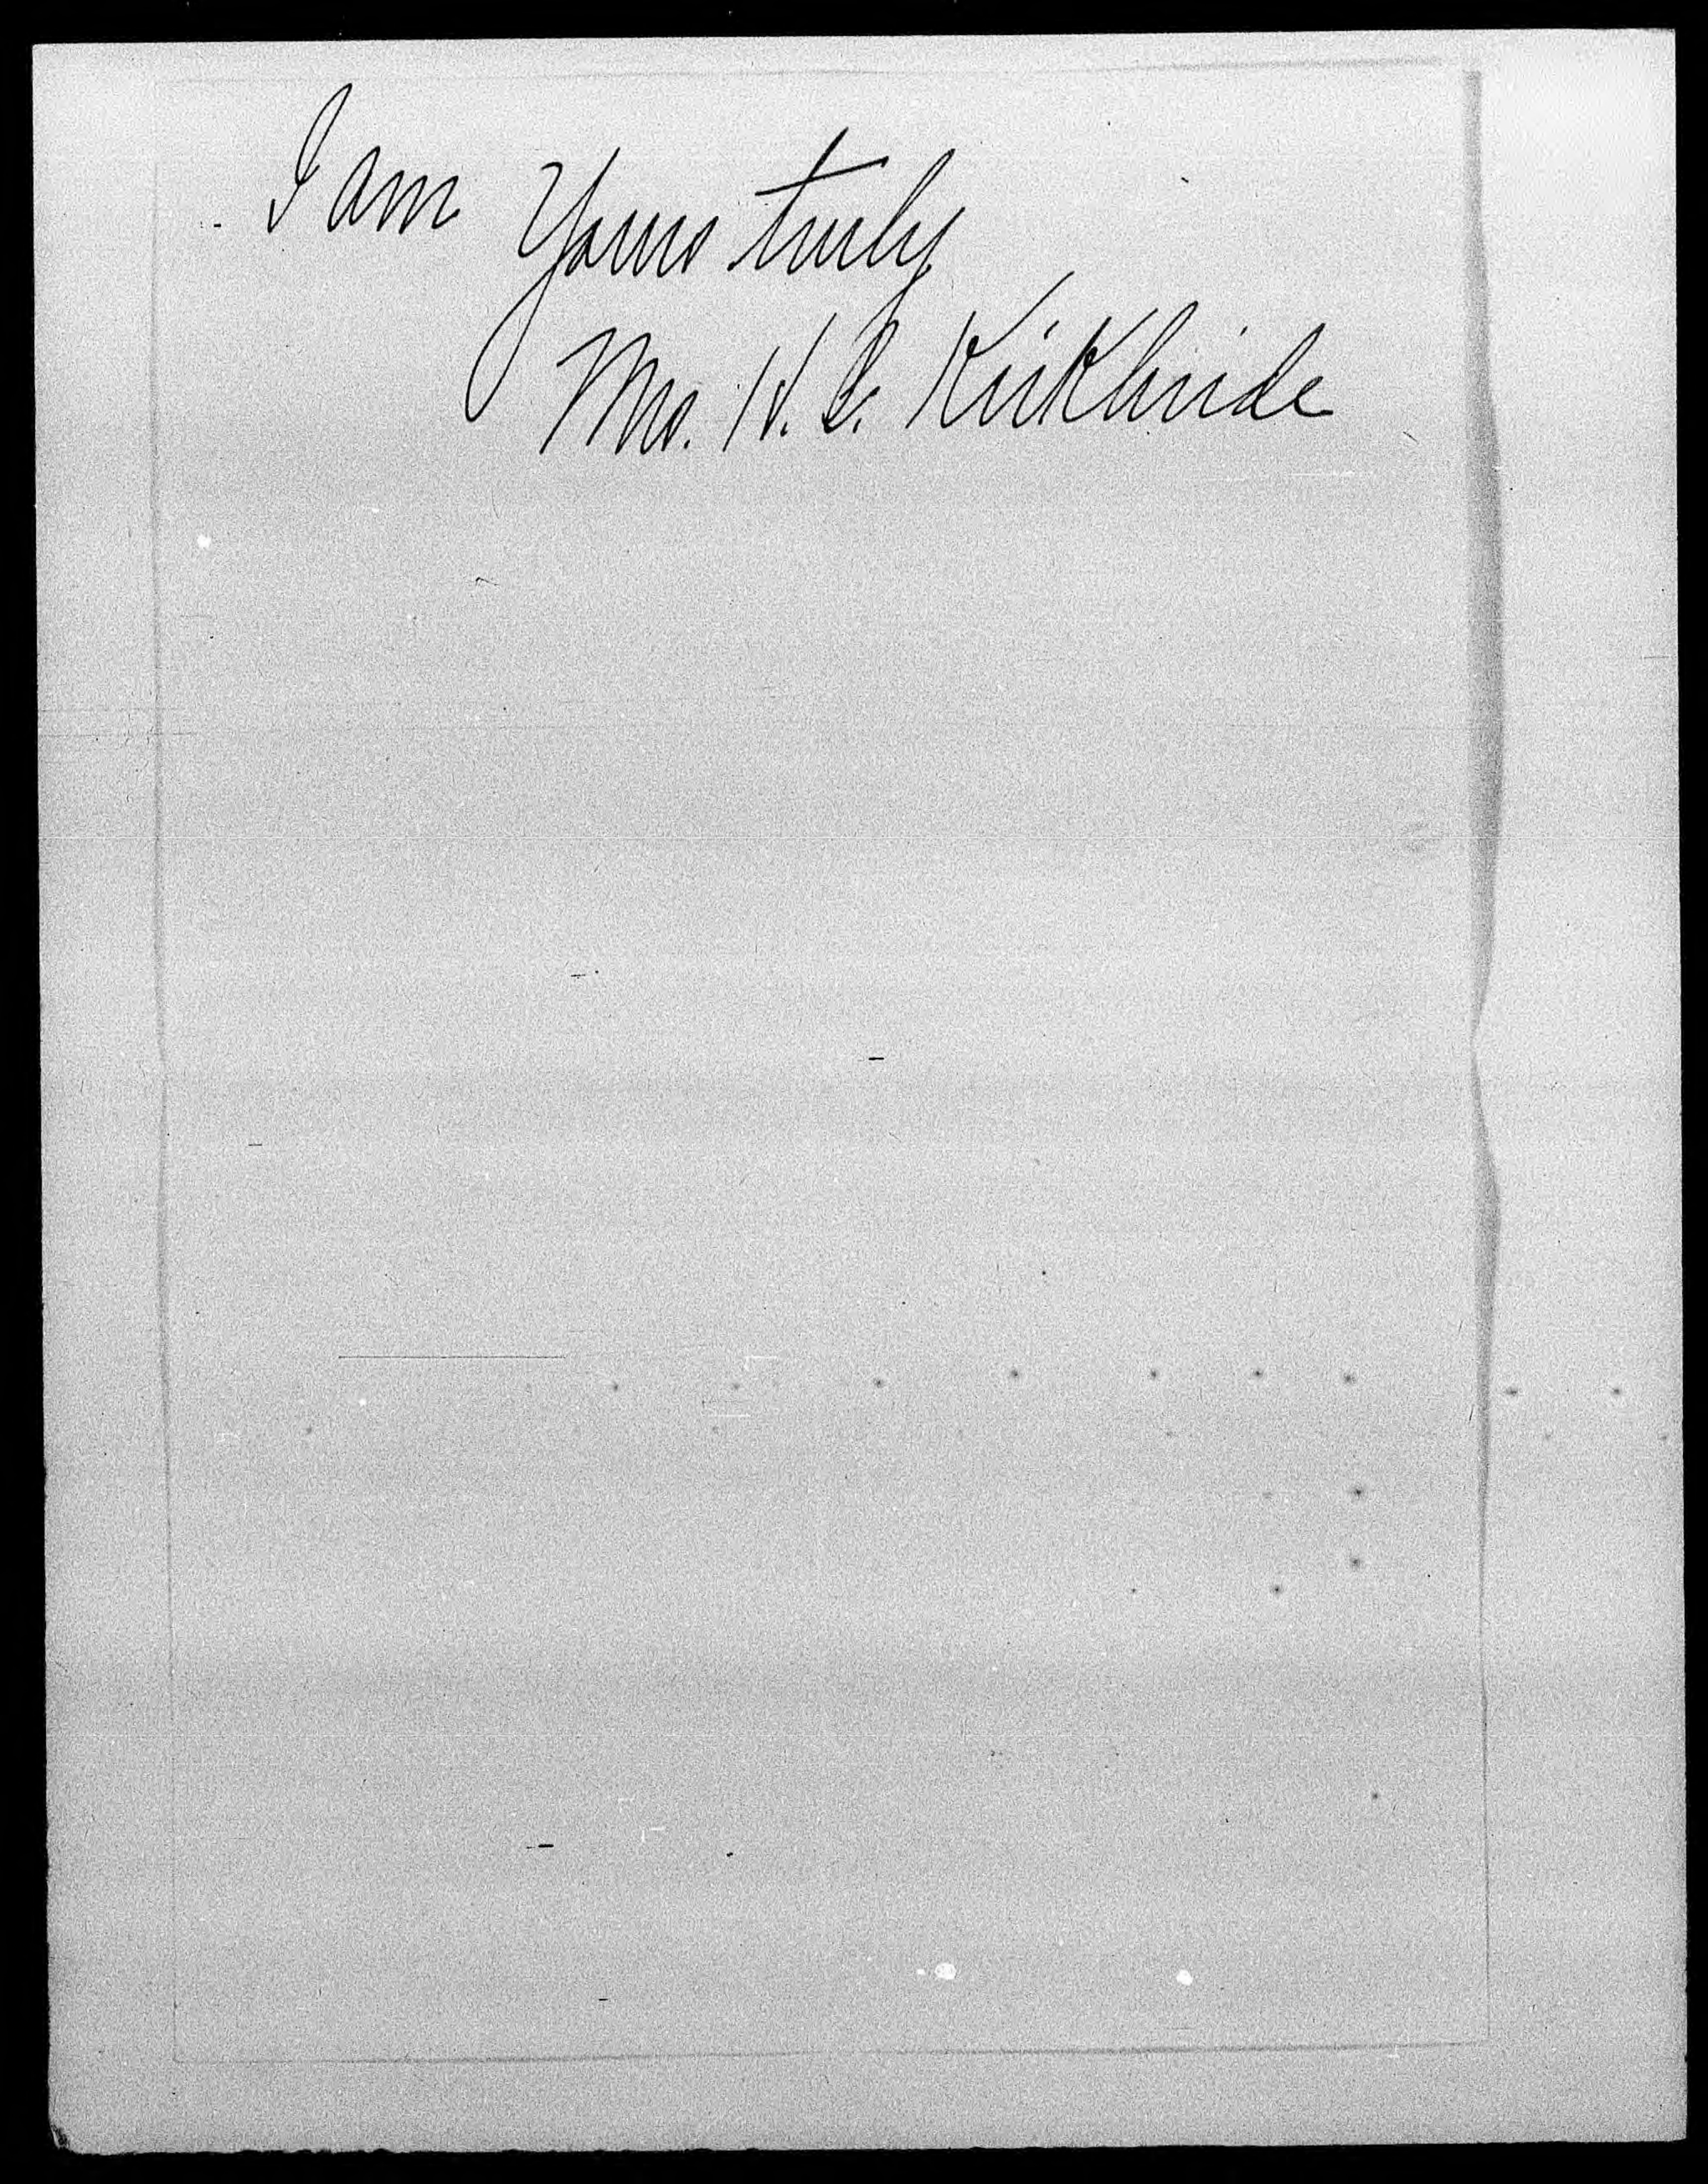I am yours truly
   Mrs. [H. C.] Kirkbride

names: H L Kirkbride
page: 54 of 58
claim: widow's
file: W. 25813, Jehiel Hull, Conn.